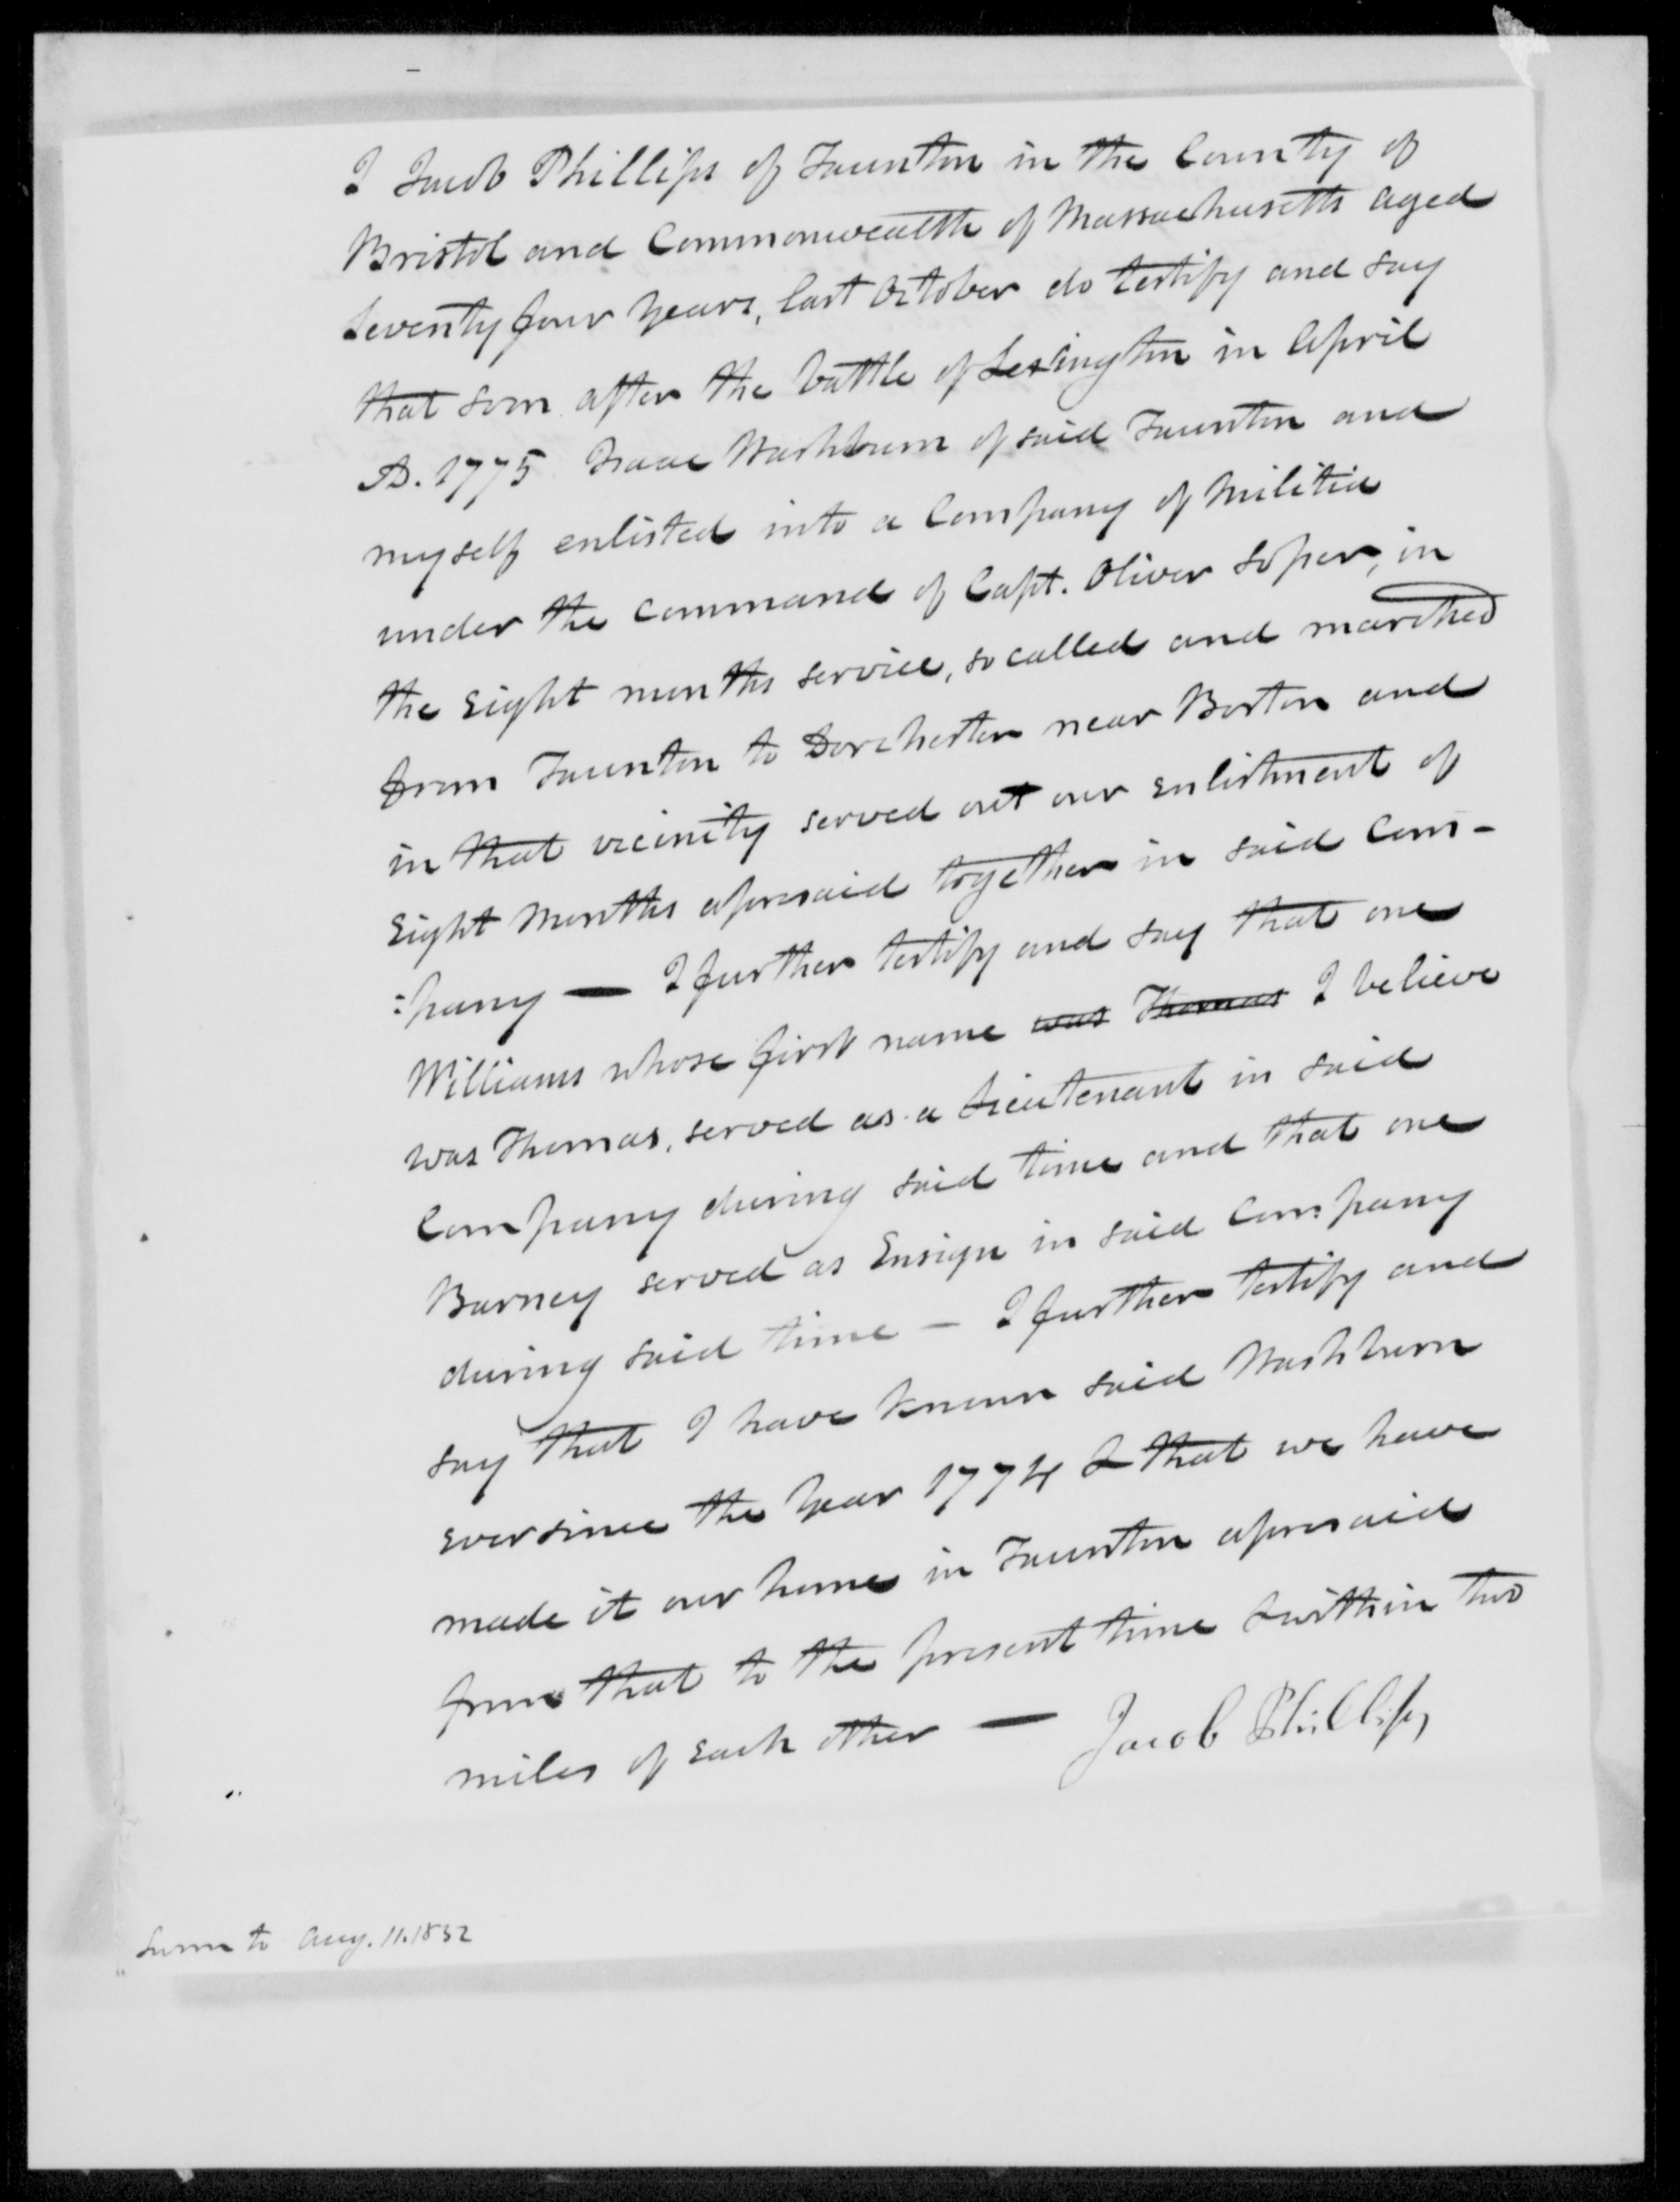I Jacob Phillips of Taunton in the County of Bristol and Commonwealth of Massachusetts aged seventy four years, last October do testify and say that soon after the battle of Lexington in April AD. 1775 Isaac Washburn of said Taunton and myself enlisted into a Company of Militia under the command of Capt. Oliver Soren, in the eight months service, so called and marched from Taunton to Dorchester near Boston and in the at vicinity served out our enlistment of eight months aforesaid together in said company— I further testify and say that one Company during said time and that one Burney served as Ensign in said company during said time—I further testify and say that I have known said Washburn ever since the year 1774 & that we have made it our homes in Taunton aforesaid from that to the present time within two miles of each other —

       Jacob Phillips

sworn to Aug 11, 1832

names: Jacob Phillips, Thomas, Isaac Washburn, Williams, Burney, Oliver Soper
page: 31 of 34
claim: widow's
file: W. 1677, Isaac Washburn, Mass.